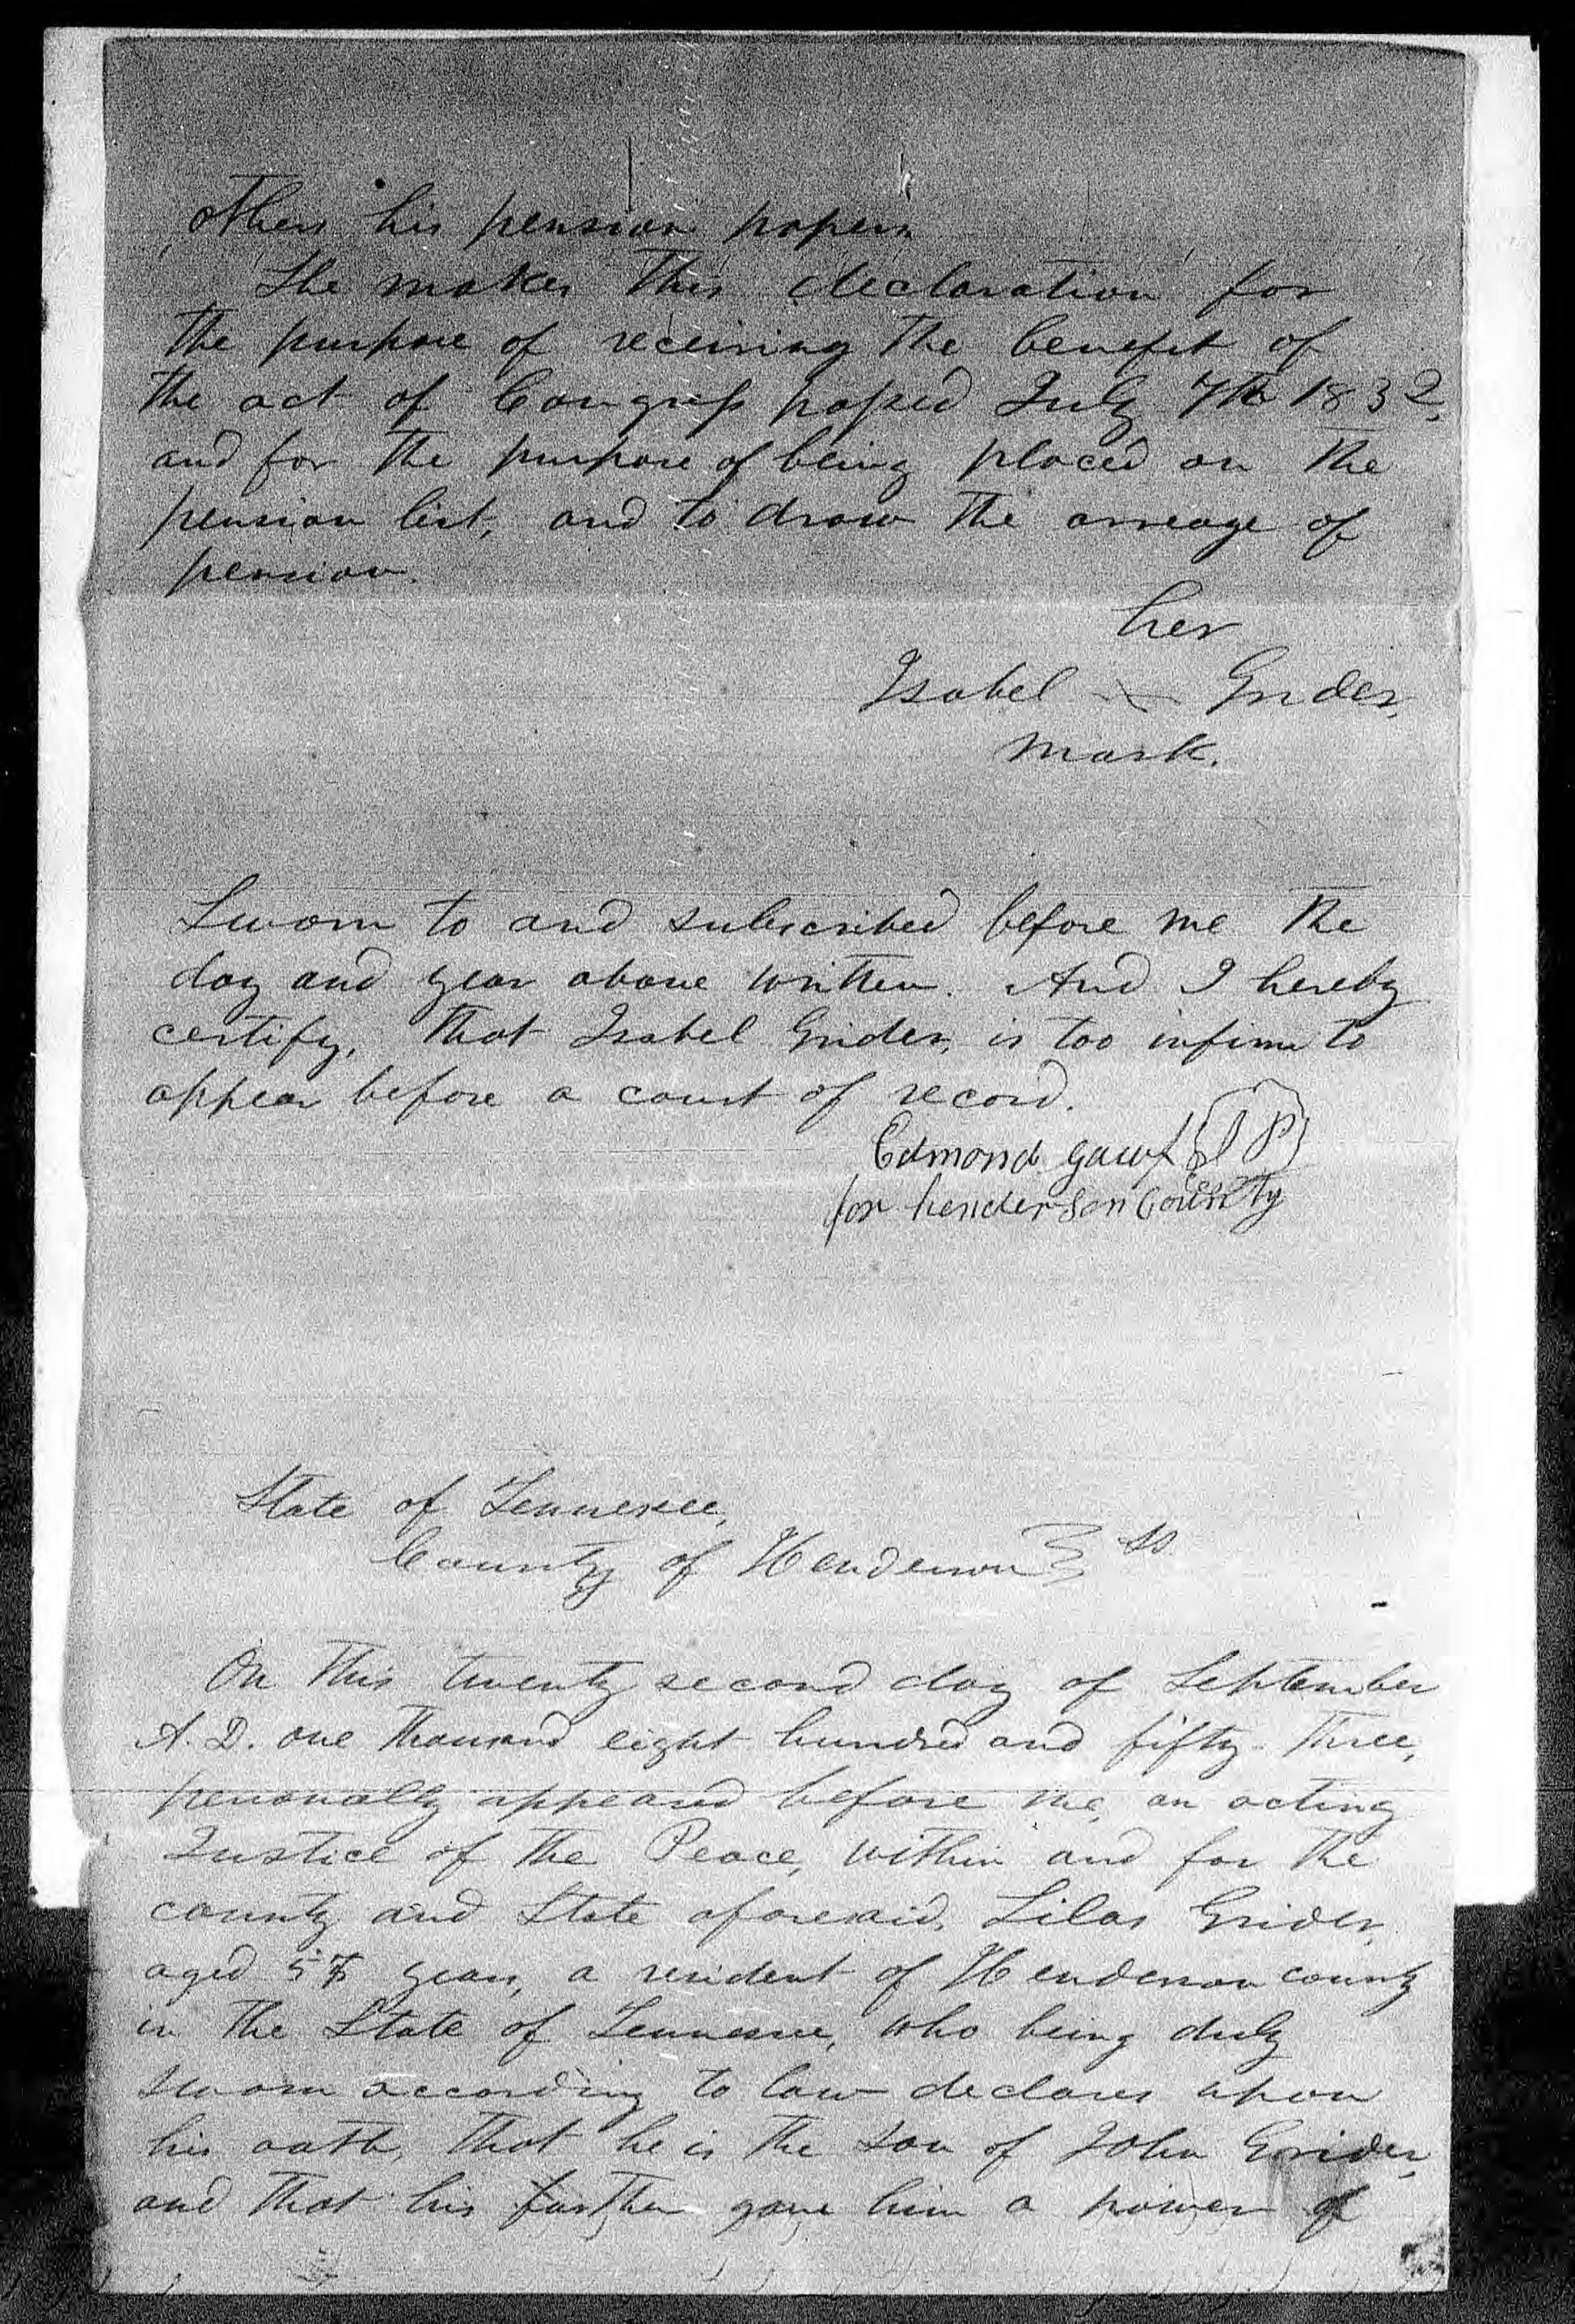others his pension papers.
     She makes this declaration for the purpose of receiving the benefit of the Act of Congress passed July 7th 1832, and for the purpose of being placed on the pension list, and to draw the [illegible] of pension.  [signed] Isabel Grider ( her mark)

Sworn to and subscribed before me the day and year above written. And I hereby certify, that Isabel Grider, is too infirm to appear before a court of record.  
[signed ] Edmond Gawf JP for Henderson county

State of Tennessee
County of Henderson } ss.

On this twenty second day of September A.D. one thousand eight hundred and fifty three, personally appeared before me an acting Justice of the Peace, within and for the county and state aforesaid, Silas Grider, aged 55 years, a resident of Henderson County in the State of Tennessee, who being duly sworn according to law declares upon his oath, that he is the son of John Grider, and that his father gave him a power of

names: Edmond Gawf, Isabel Grider, Silas Grider, Isabel Grider, John Grider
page: 13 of 91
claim: widow's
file: W 358, John Grider, N.C.